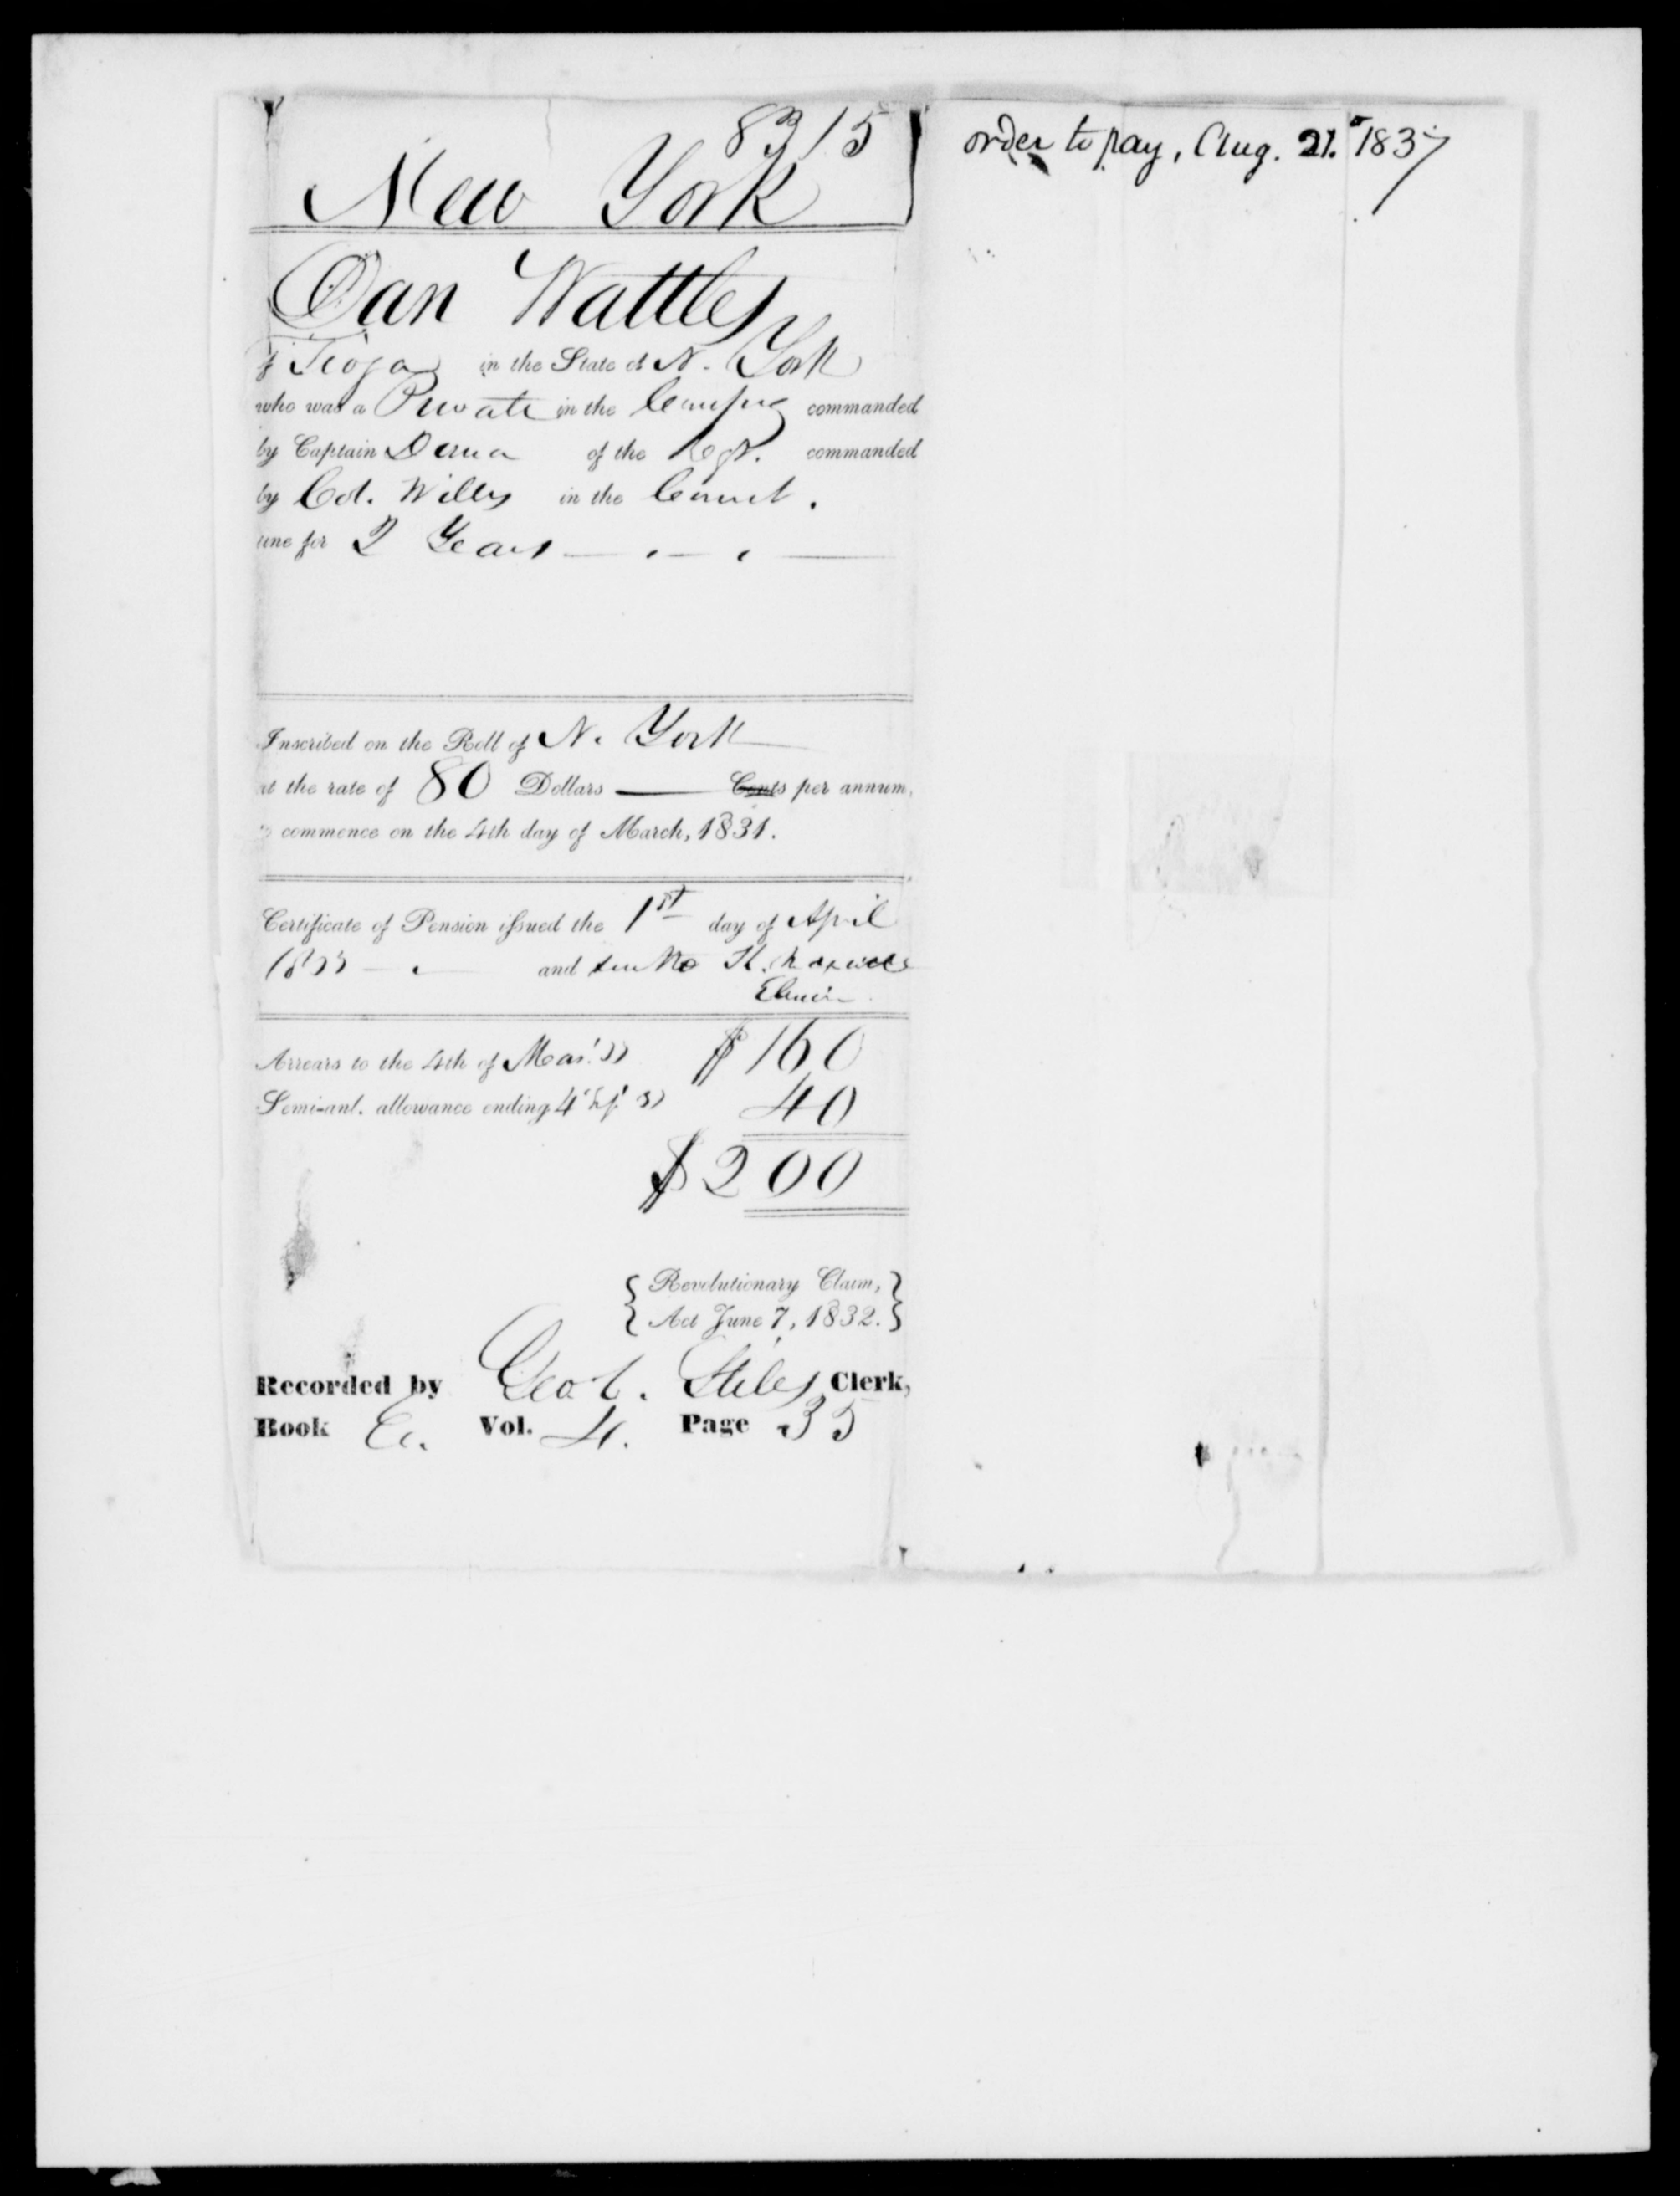8315
New York
------------------------------------------------
Dan Wattles
of Tioga in the Sate of N. York
who was a Private in the company commanded by Captain Dana of the Regt. commanded 
by Col. Willis in the Connit.
line for 2 years.
-------------------------------------------------
Inscribed on the Roll of N. York
at the rate of 80 Dollars------ Cents per annum, to commence on the 4th day of March, 1831.
---------------------------------------------------
Certificate of Pension issued the 1st day of April 183[ ]  and sent to Thos Maxwell  [     ]
---------------------------------------------------
Arrears to the 4th of March [  ]           $160
Semi-anl. allowance ending 4 [    ]          40
                                                             -----
                                                             $200
                                                             ------

{Revolutionary Claim,}
{Act June 7, 1832.}

Recorded by Geo C. Stiles     Clerk,
Book   E.      Vol.    4.     Page 35

(second page)
Order to pay, Aug. 21, 1837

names: Geo C Stiles, Thos Maxwell, Willis, Dan Wattles, Dana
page: 2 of 70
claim: widow's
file: W. 3743, Dan Wattles, Conn.